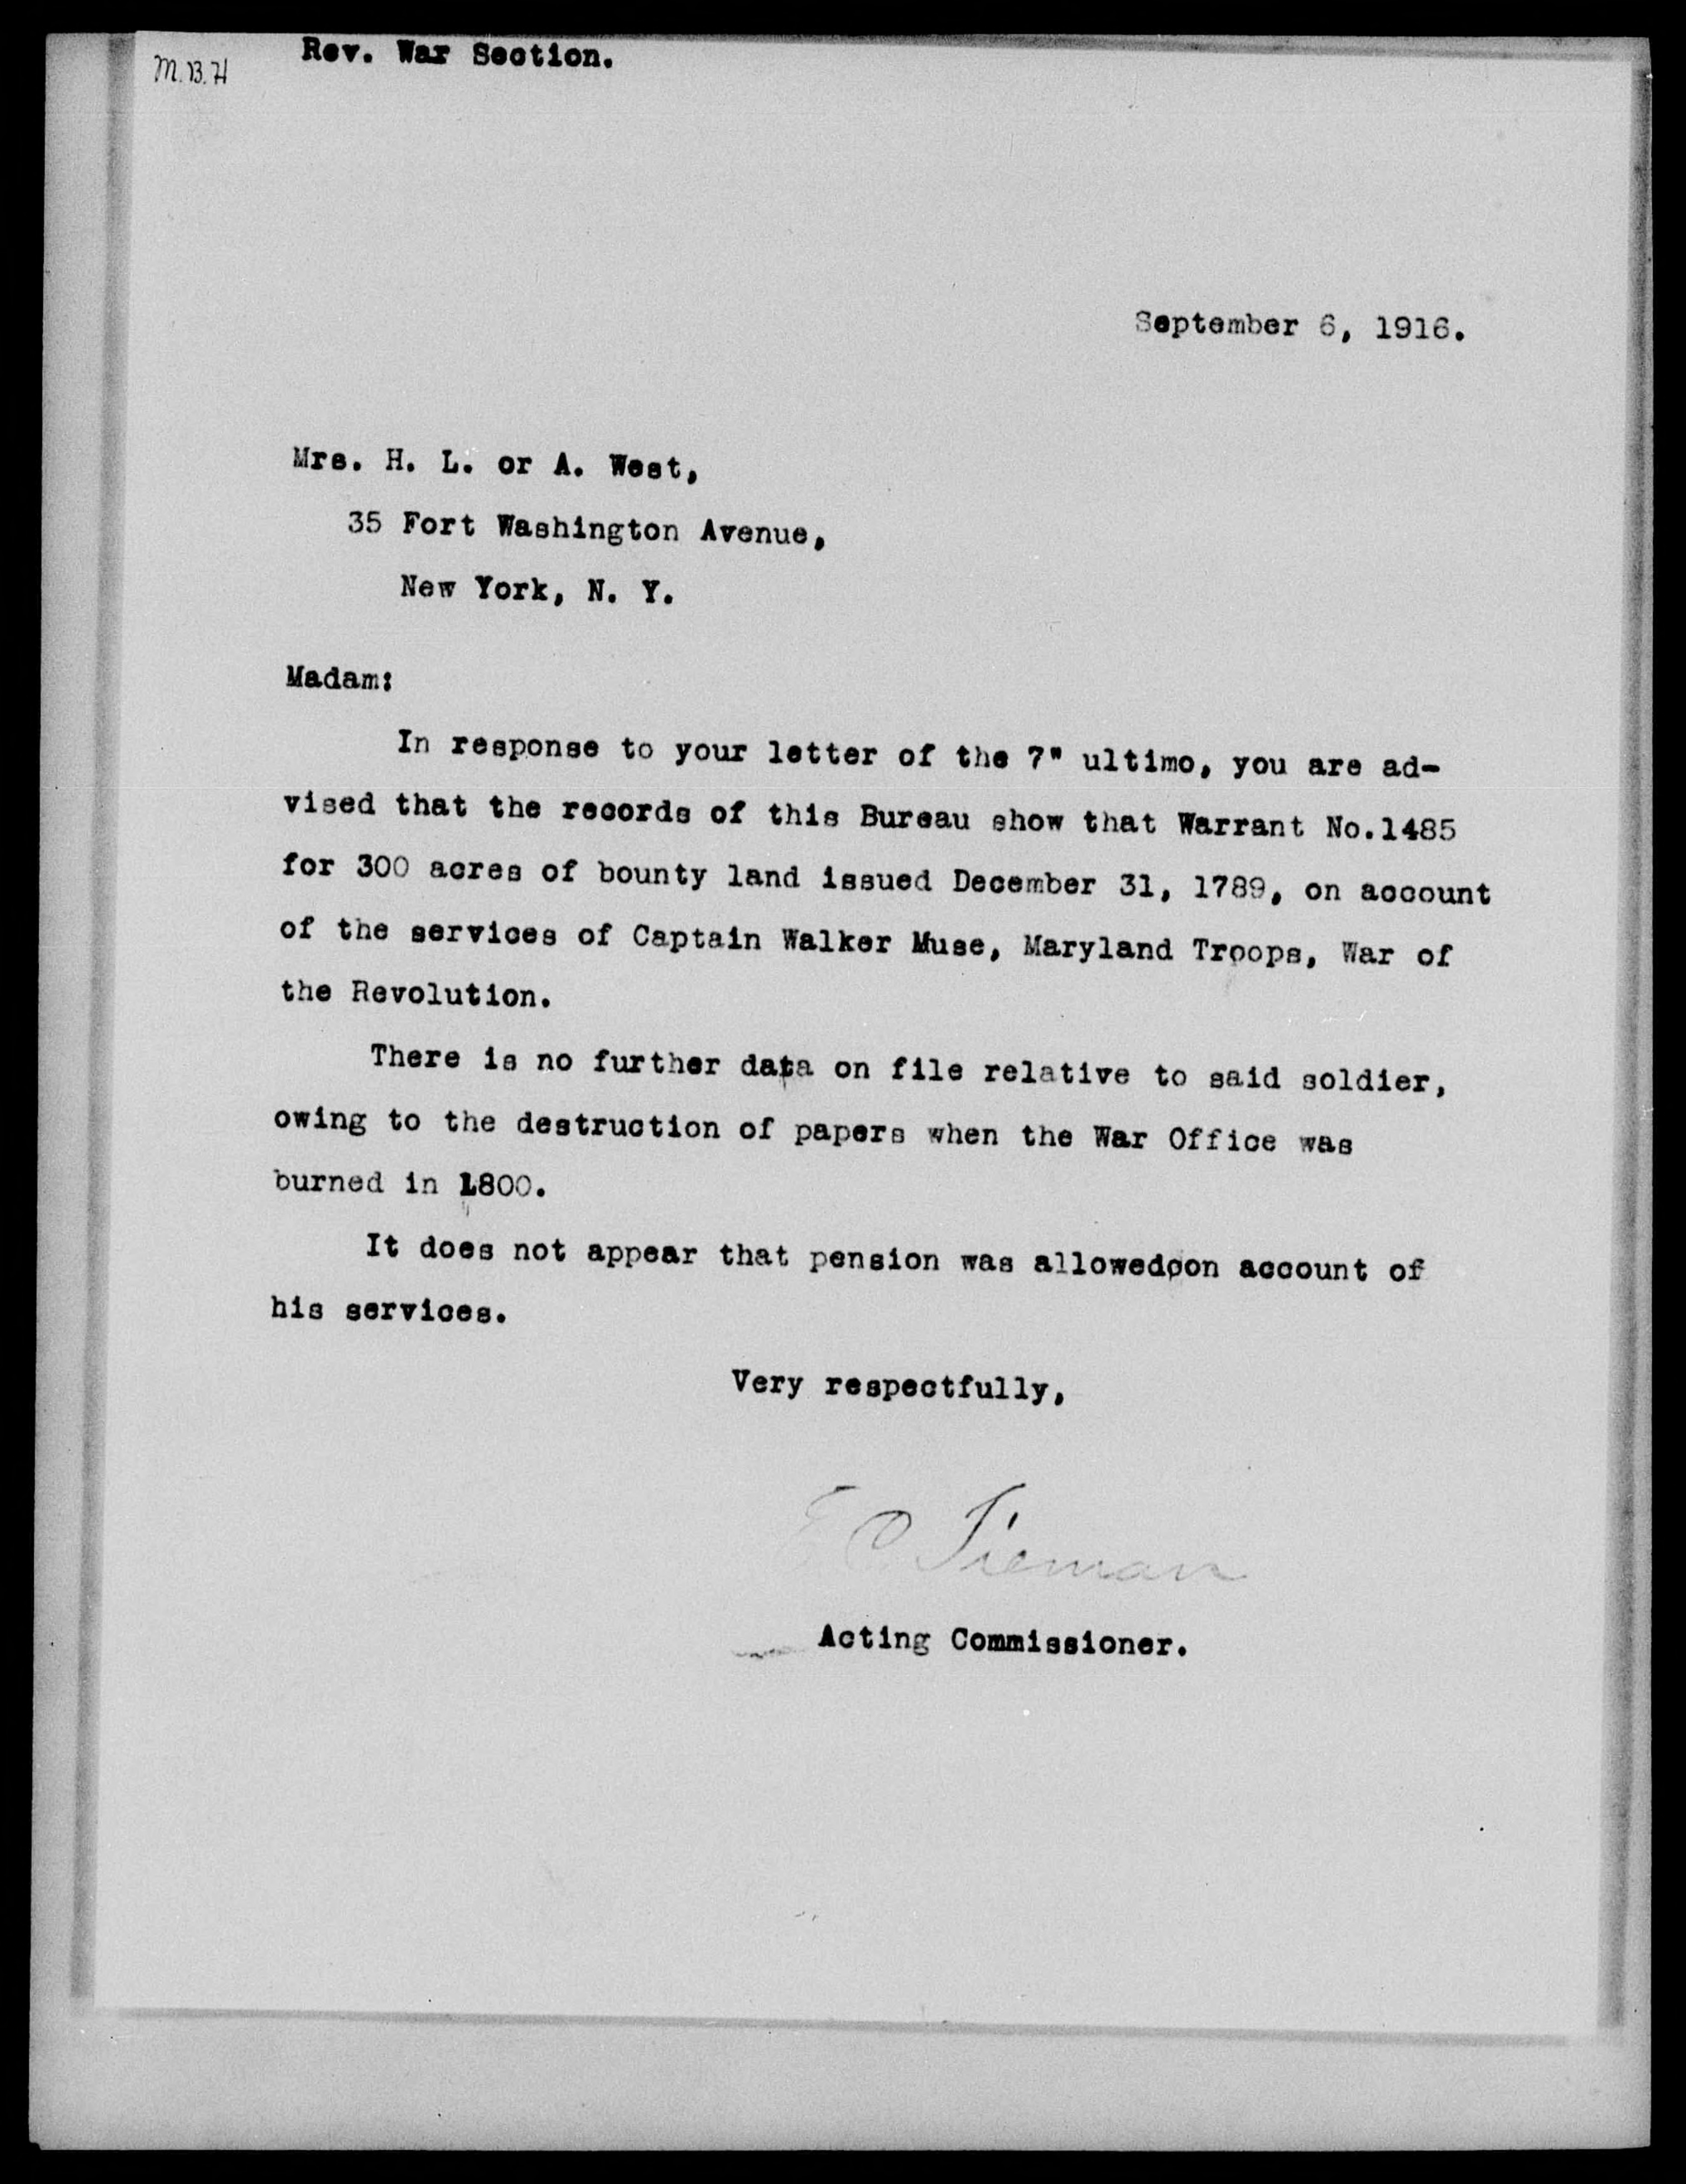Rev. War Section.
September 6, 1916.

Mrs. H. L. or A. West,
35 Fort Washington Avenue,
New York, N.Y.

Madam:

In response to your letter of the 7th ultimo, you are advised that the records of this Bureau show that Warrant No. 1485 for 300 acres of bounty land issued December 31, 1789, on account of the services of Captain Walker Muse, Maryland Troops, War of the Revolution.

There is no further data on file relative to said soldier, owing to the destruction of papers when the War Office was burned in 1800.

It does not appear that pension was allowed on account of his services.

Very respectfully,
E. C. Tieman
Acting Commissioner.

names: H L West; E C Tieman; Walker Muse; A West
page: 4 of 5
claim: bounty land warrant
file: B. L. Wt. 1485-300, for Walker Muse, Maryland